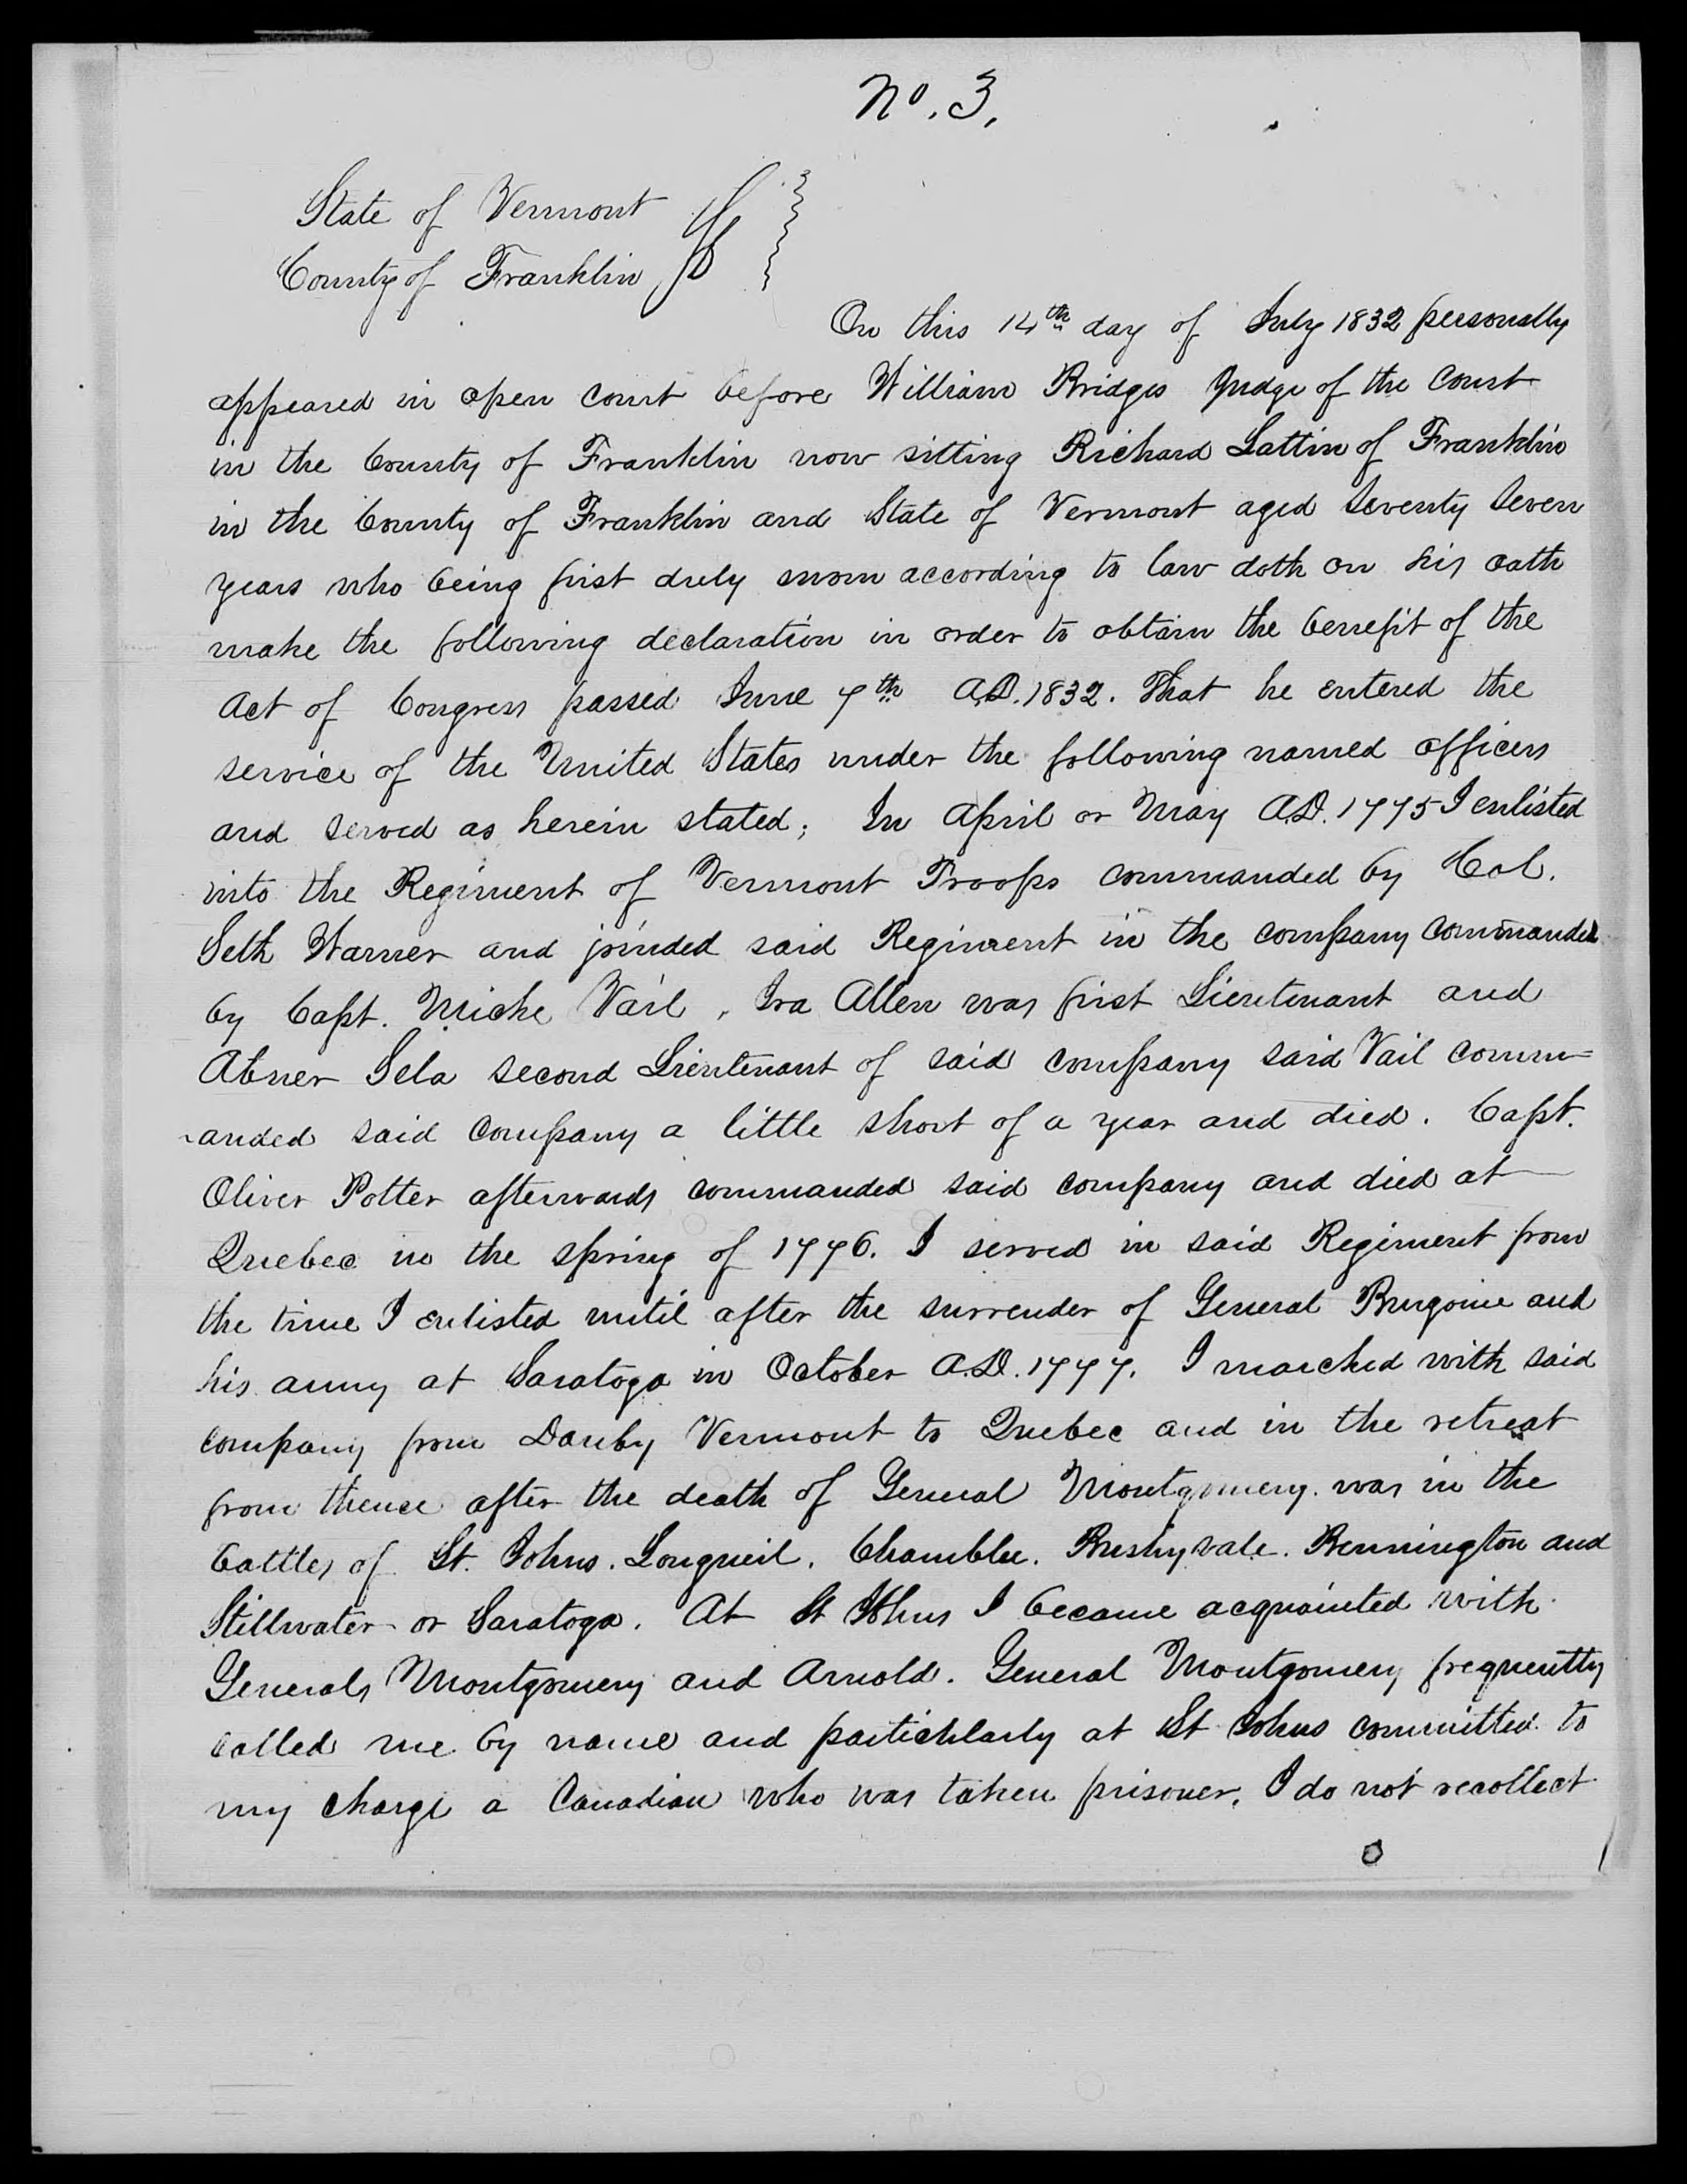No. 3

State of Vermont         }
County of Franklin ss  }
On this 14th day of July 1832 personally appeared in open court before William Bridges Judge of the Court in the County of Franklin now sitting Richard Lattin of Franklin in the County of Franklin and State of Vermont aged Seventy Seven years who being first duly sworn according to law doth on his oath make the following declaration in order to obtain the benefit of the Act of Congress passed June 7th A.D. 1832. That he entered the service of the United States under the following named officers and served as herein stated.  In April or May A.D. 1775 I enlisted into the Regiment of Vermont Troops commanded by Col. Seth Warren and joined said Regiment in the company commanded by Capt. Michel Vail, Ira Allen was first Lieutenant and Abner Sela second Lieutenant of said company said Vail commanded said company a little short of year and died.  Capt. Oliver Potter afterwards commanded said company and died at Quebec in the spring of 1776.  I served in said Regiment from the time I enlisted until after the surrender of General Burgoine [Burgoyne] at Saratoga in October A.D. 1777.  I marched with said company from Danby Vermont to Quebec and in the retreat from thence after the death of General Montgomery was in the battles of St. Johns, Longueuil, Chamblee [Chambly?], Bushy Vale, Bennington and Stillwater or Saratoga.  At St Johns I became acquainted with Generals Montgomery and Arnold.  General Montgomery frequently called me by name and particularly at St. Johns committed to my charge a Canadian who was taken prisoner.  I do not recollect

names: Abner Sela; Miche Vail; [BLANK] Burgoine; William Bridges; Richard Lattin; Seth Warner; Ira Allen; [BLANK] Montgomery; Oliver Potter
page: 93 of 99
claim: widow's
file: W. 24,482, for Richard Lattin, Vermont